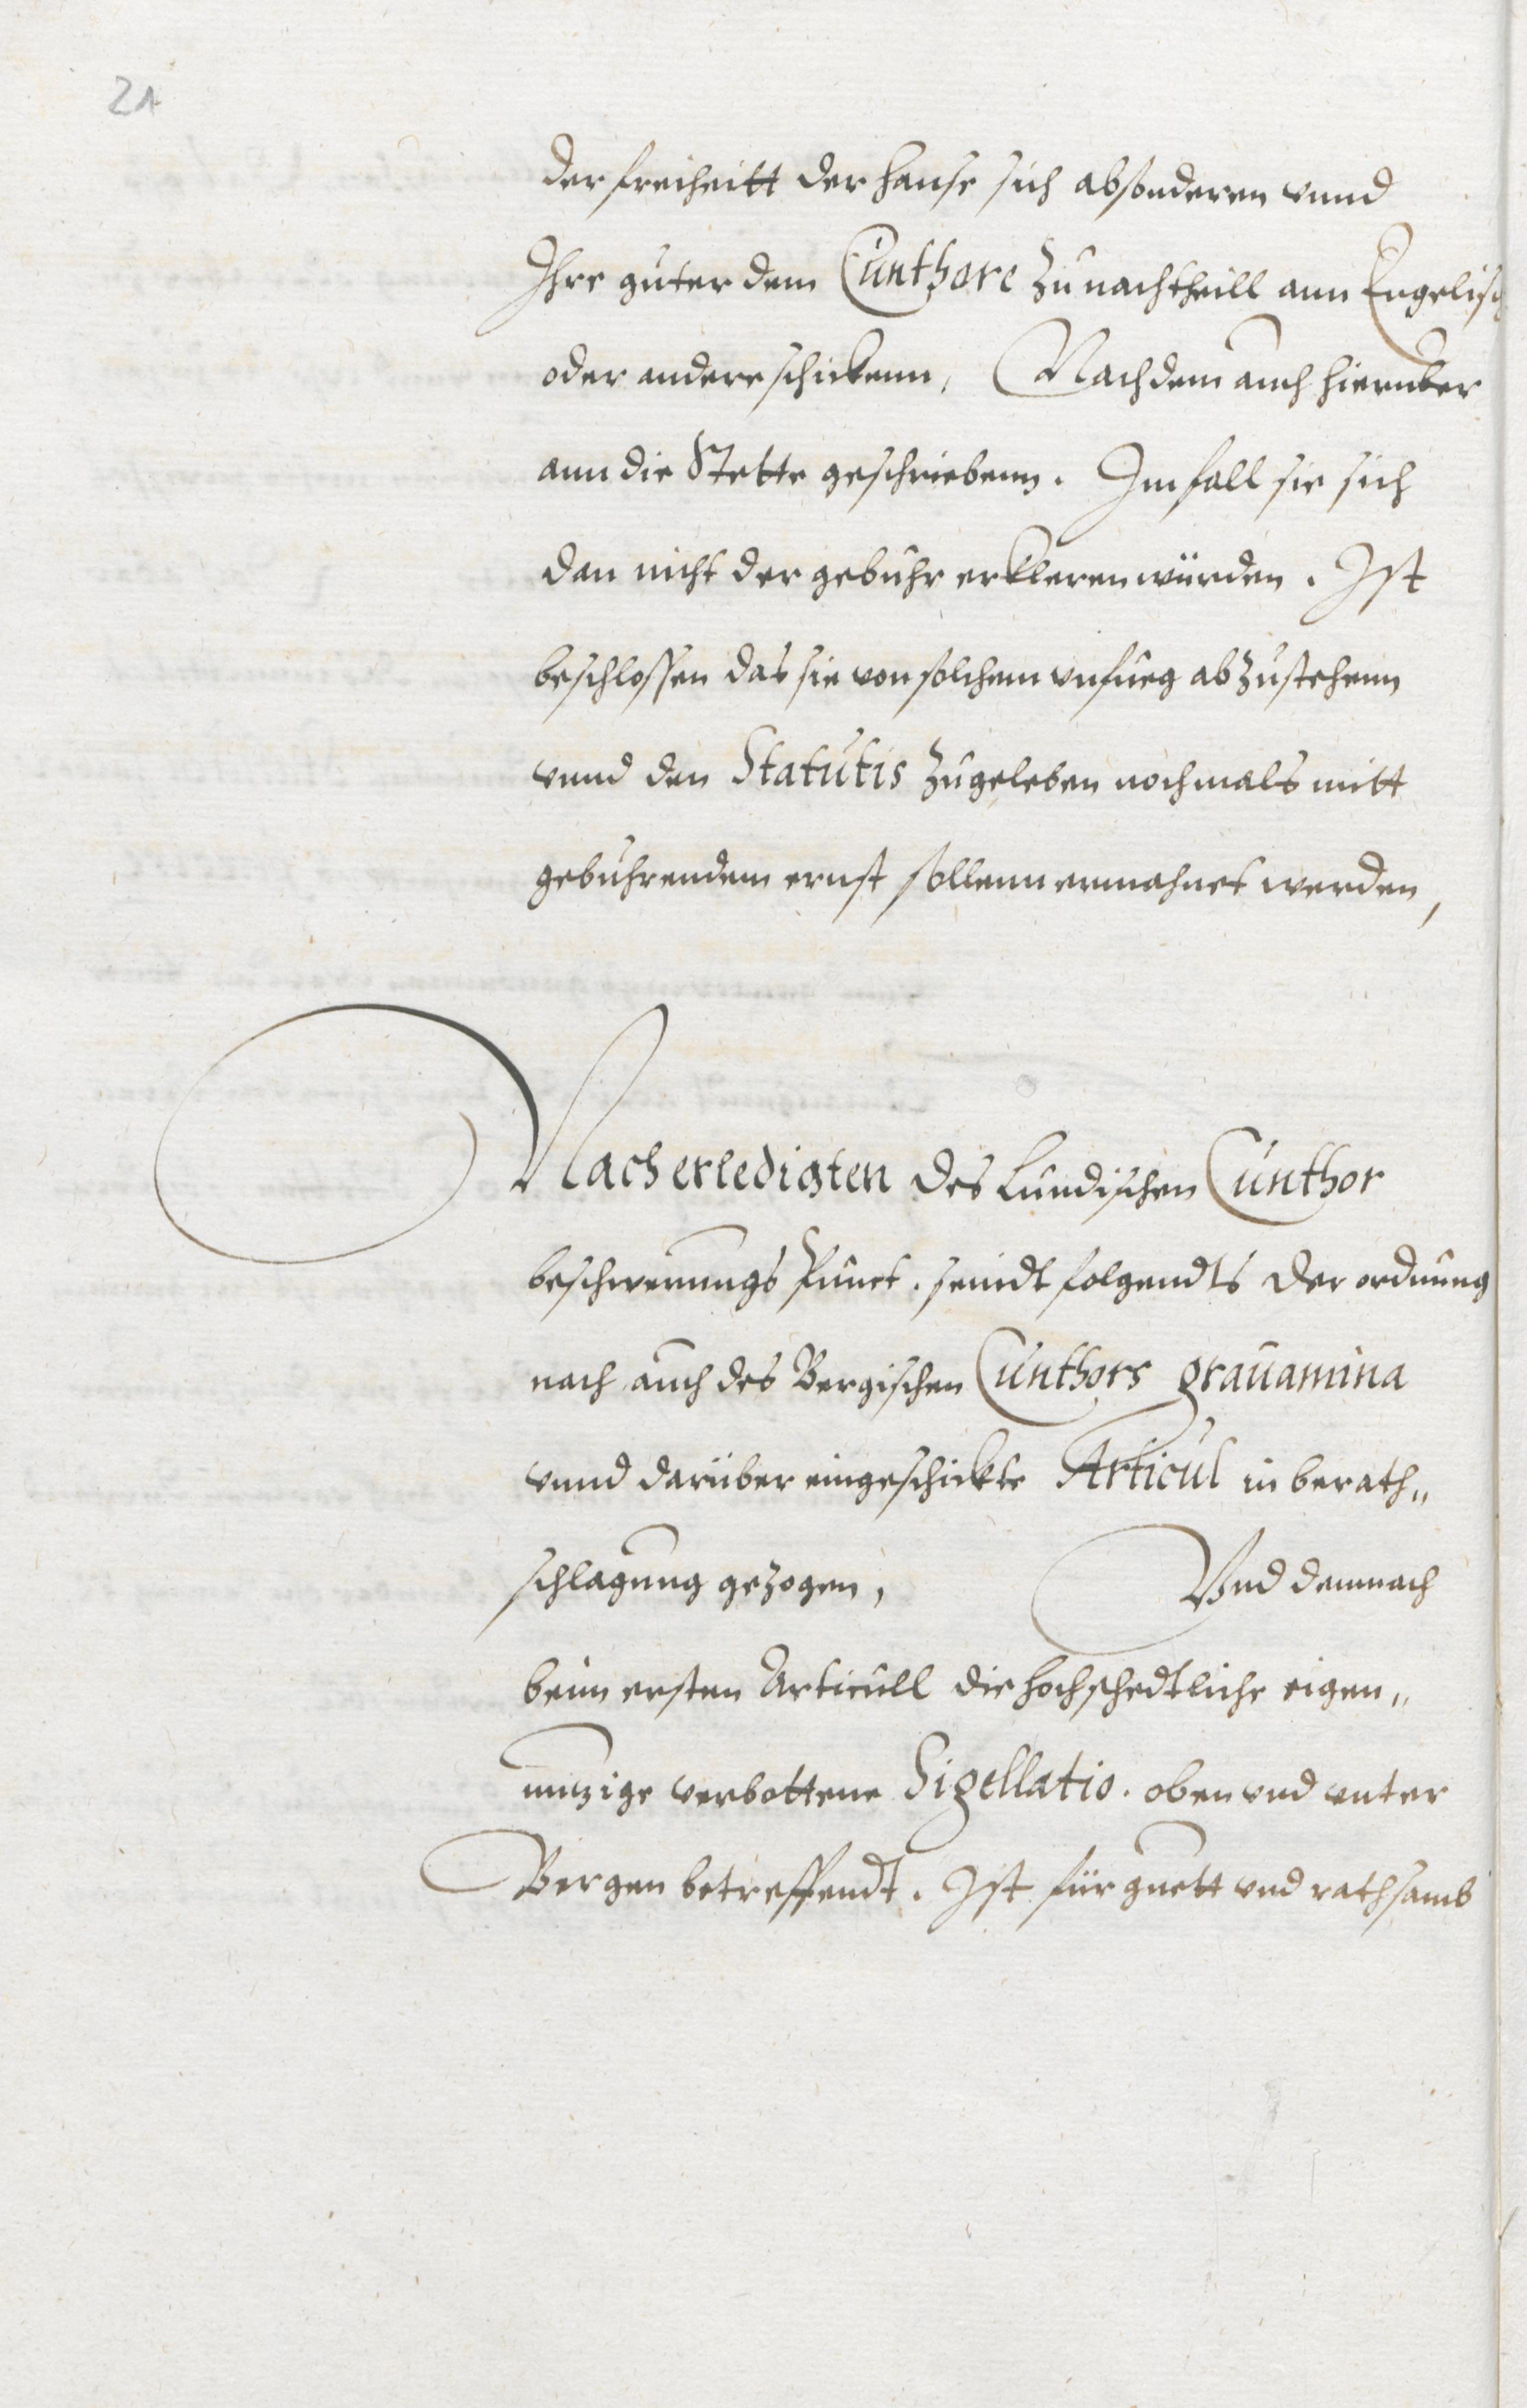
der freiheitt der Hanse sich absonderen vnnd
Ihre guter dem Cunthore zu nachtheill ann Engelischen
oder andere schickenn, Nachdem dem auch hieruber
ann die Stette geschriebenn. Im fall sie sich
dan nicht der gebuhr erkleren würden. Ist
beschlossen das sie von solchenn vnfueg abzustehenn
vnnd den Statutis zugeleben nochmals mitt
gebuhrendem erst sollenn ermahnet werden,
Nach erledigten des Lundischen Cunthor
beschwerungs punct, seindt folgendts der ordnung
nach auch des Bergischen Cunthors grauamina
vnnd darüber eingeschickte Articul in berath¬
schlagung gezogen, Vnd demnach
beim ersten Articull die hochschedtliche eigen¬
nutzige verbottene Sigellatio, oben vnd vnter
Bergen betreffendt, Ist für guett vnd rathsamb
